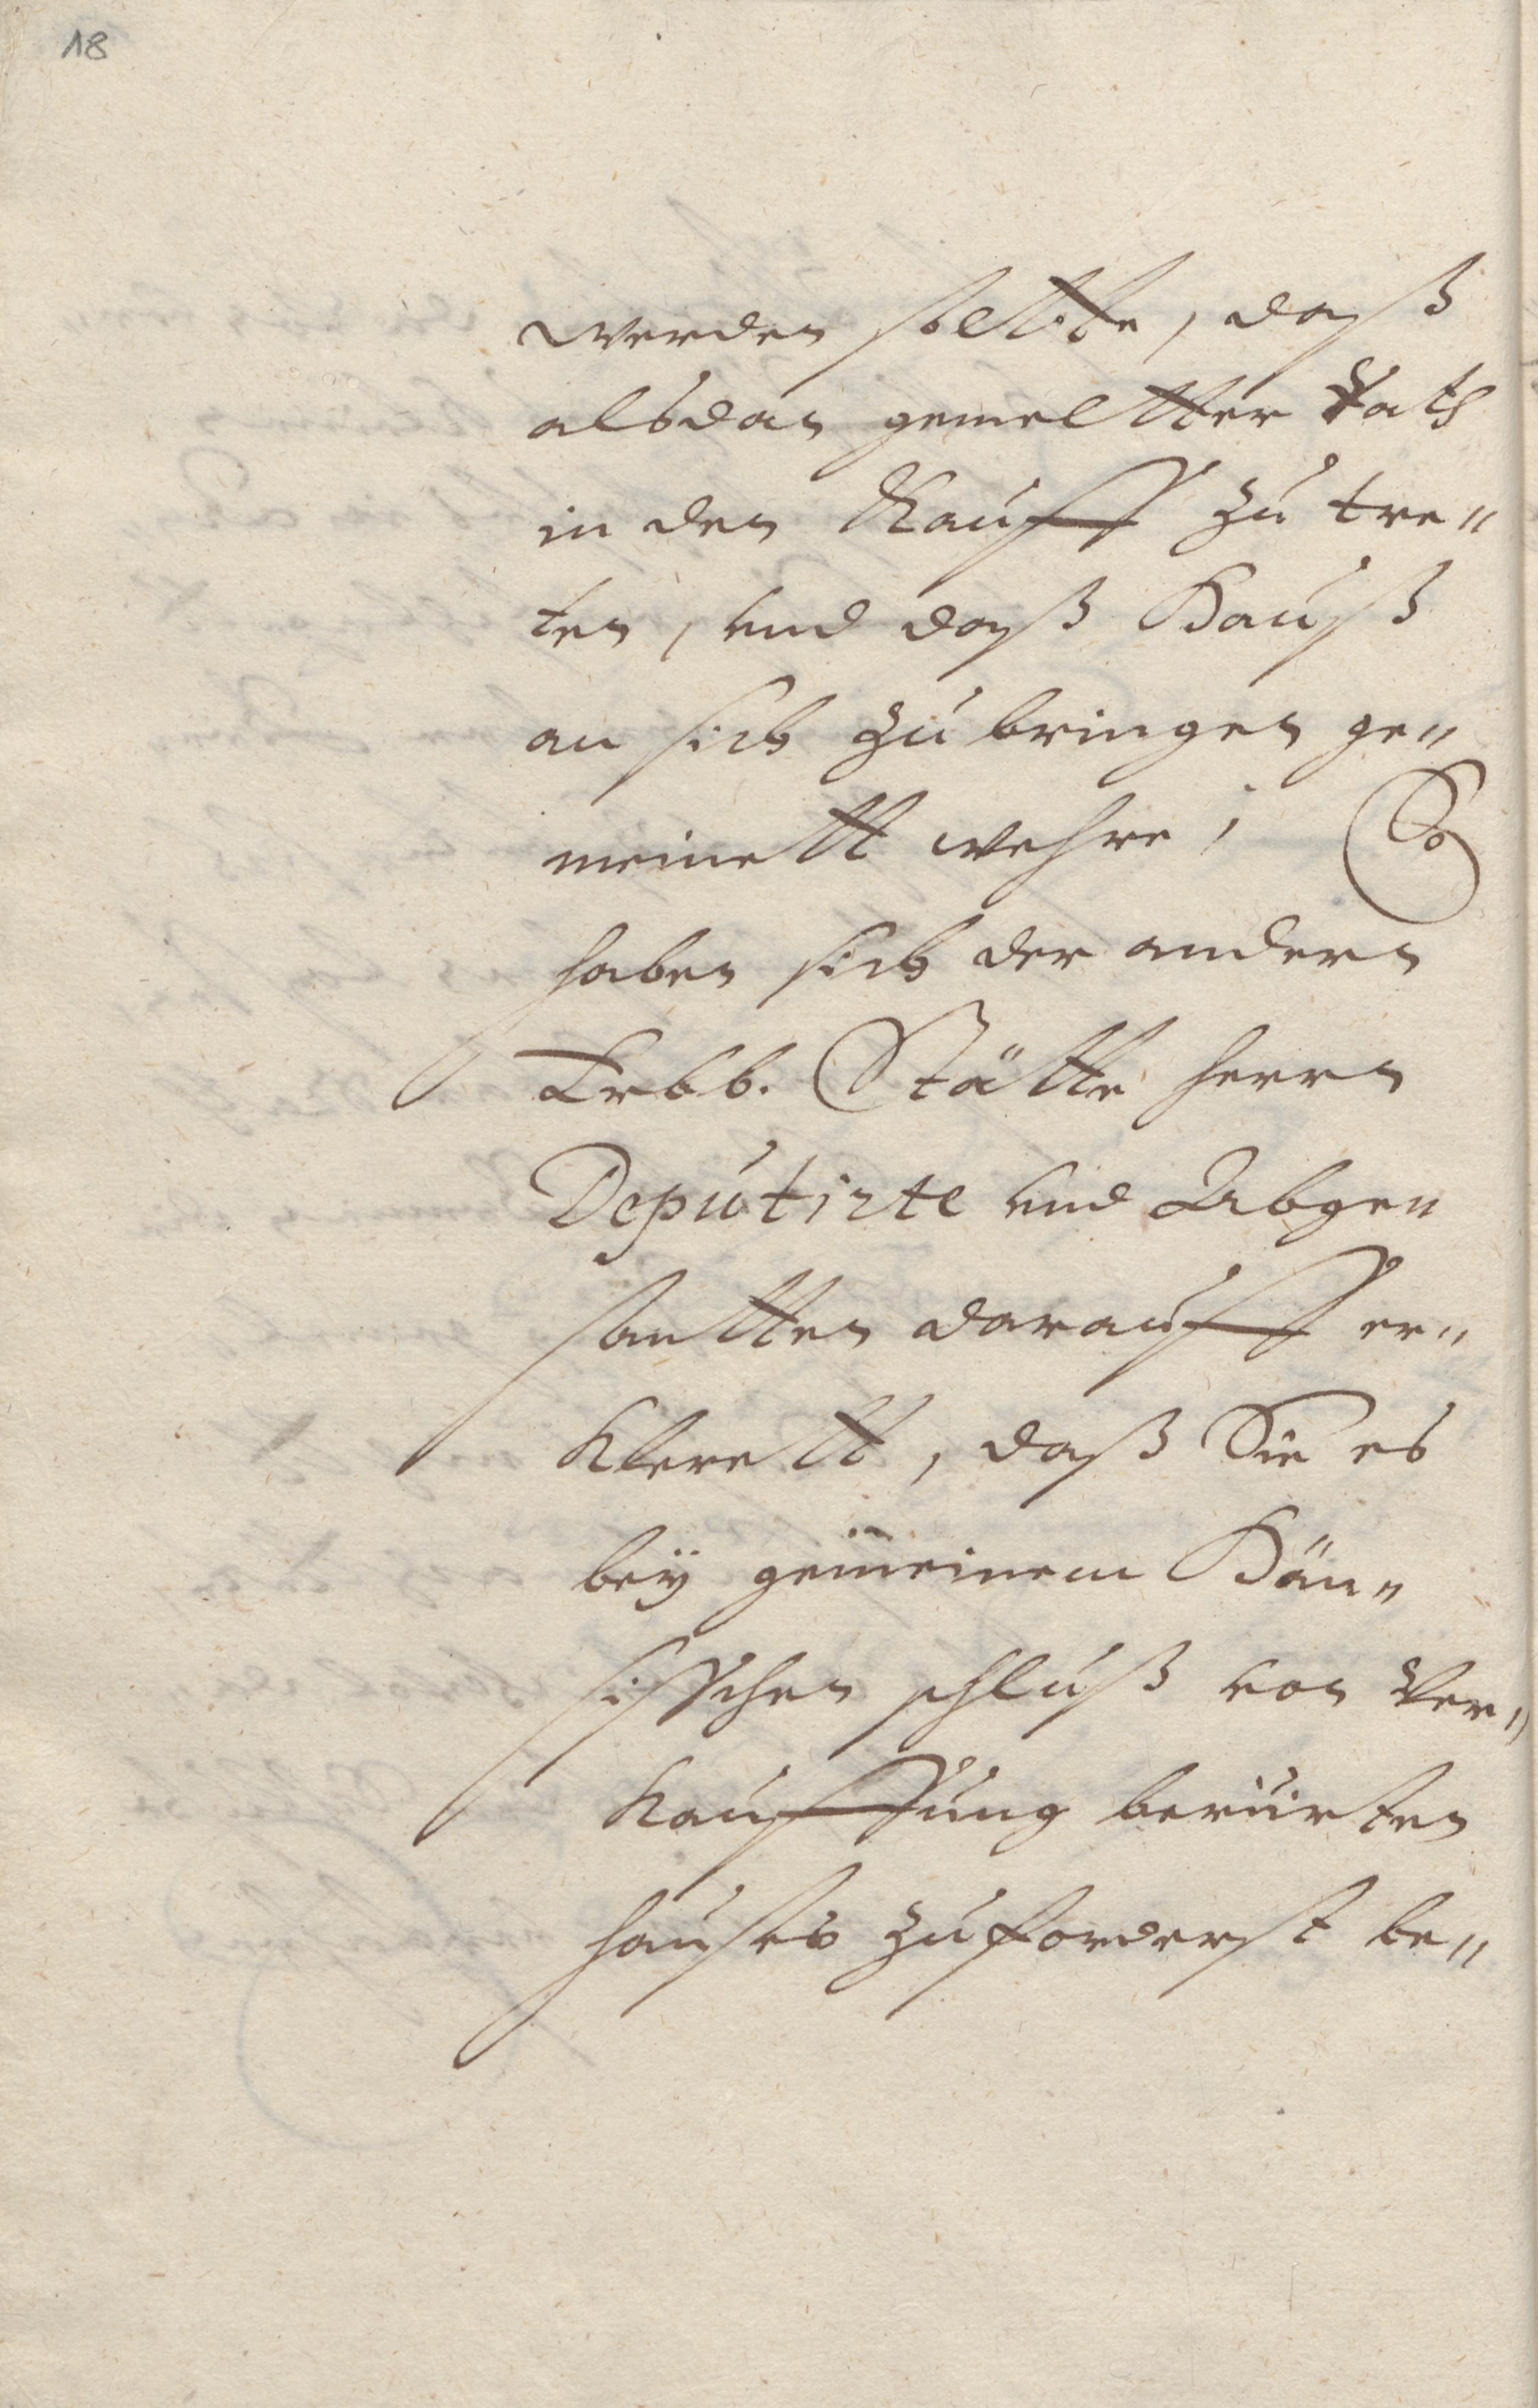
werden solte, daß
alsdan gemeltter Rath
in den Kauff zu tre¬
ten, vnd daß Hauß
an sich zu bringen ge¬
meinett wehre, So
haben sich der andern
Erbb. Stätte herrn
Deputirte vnd Abge¬
santten darauff er¬
klerett, daß Sie es
beij gemeinem Hän¬
sischen schluß von Ver¬
kauffung berürten
hauses zuforderst be¬
